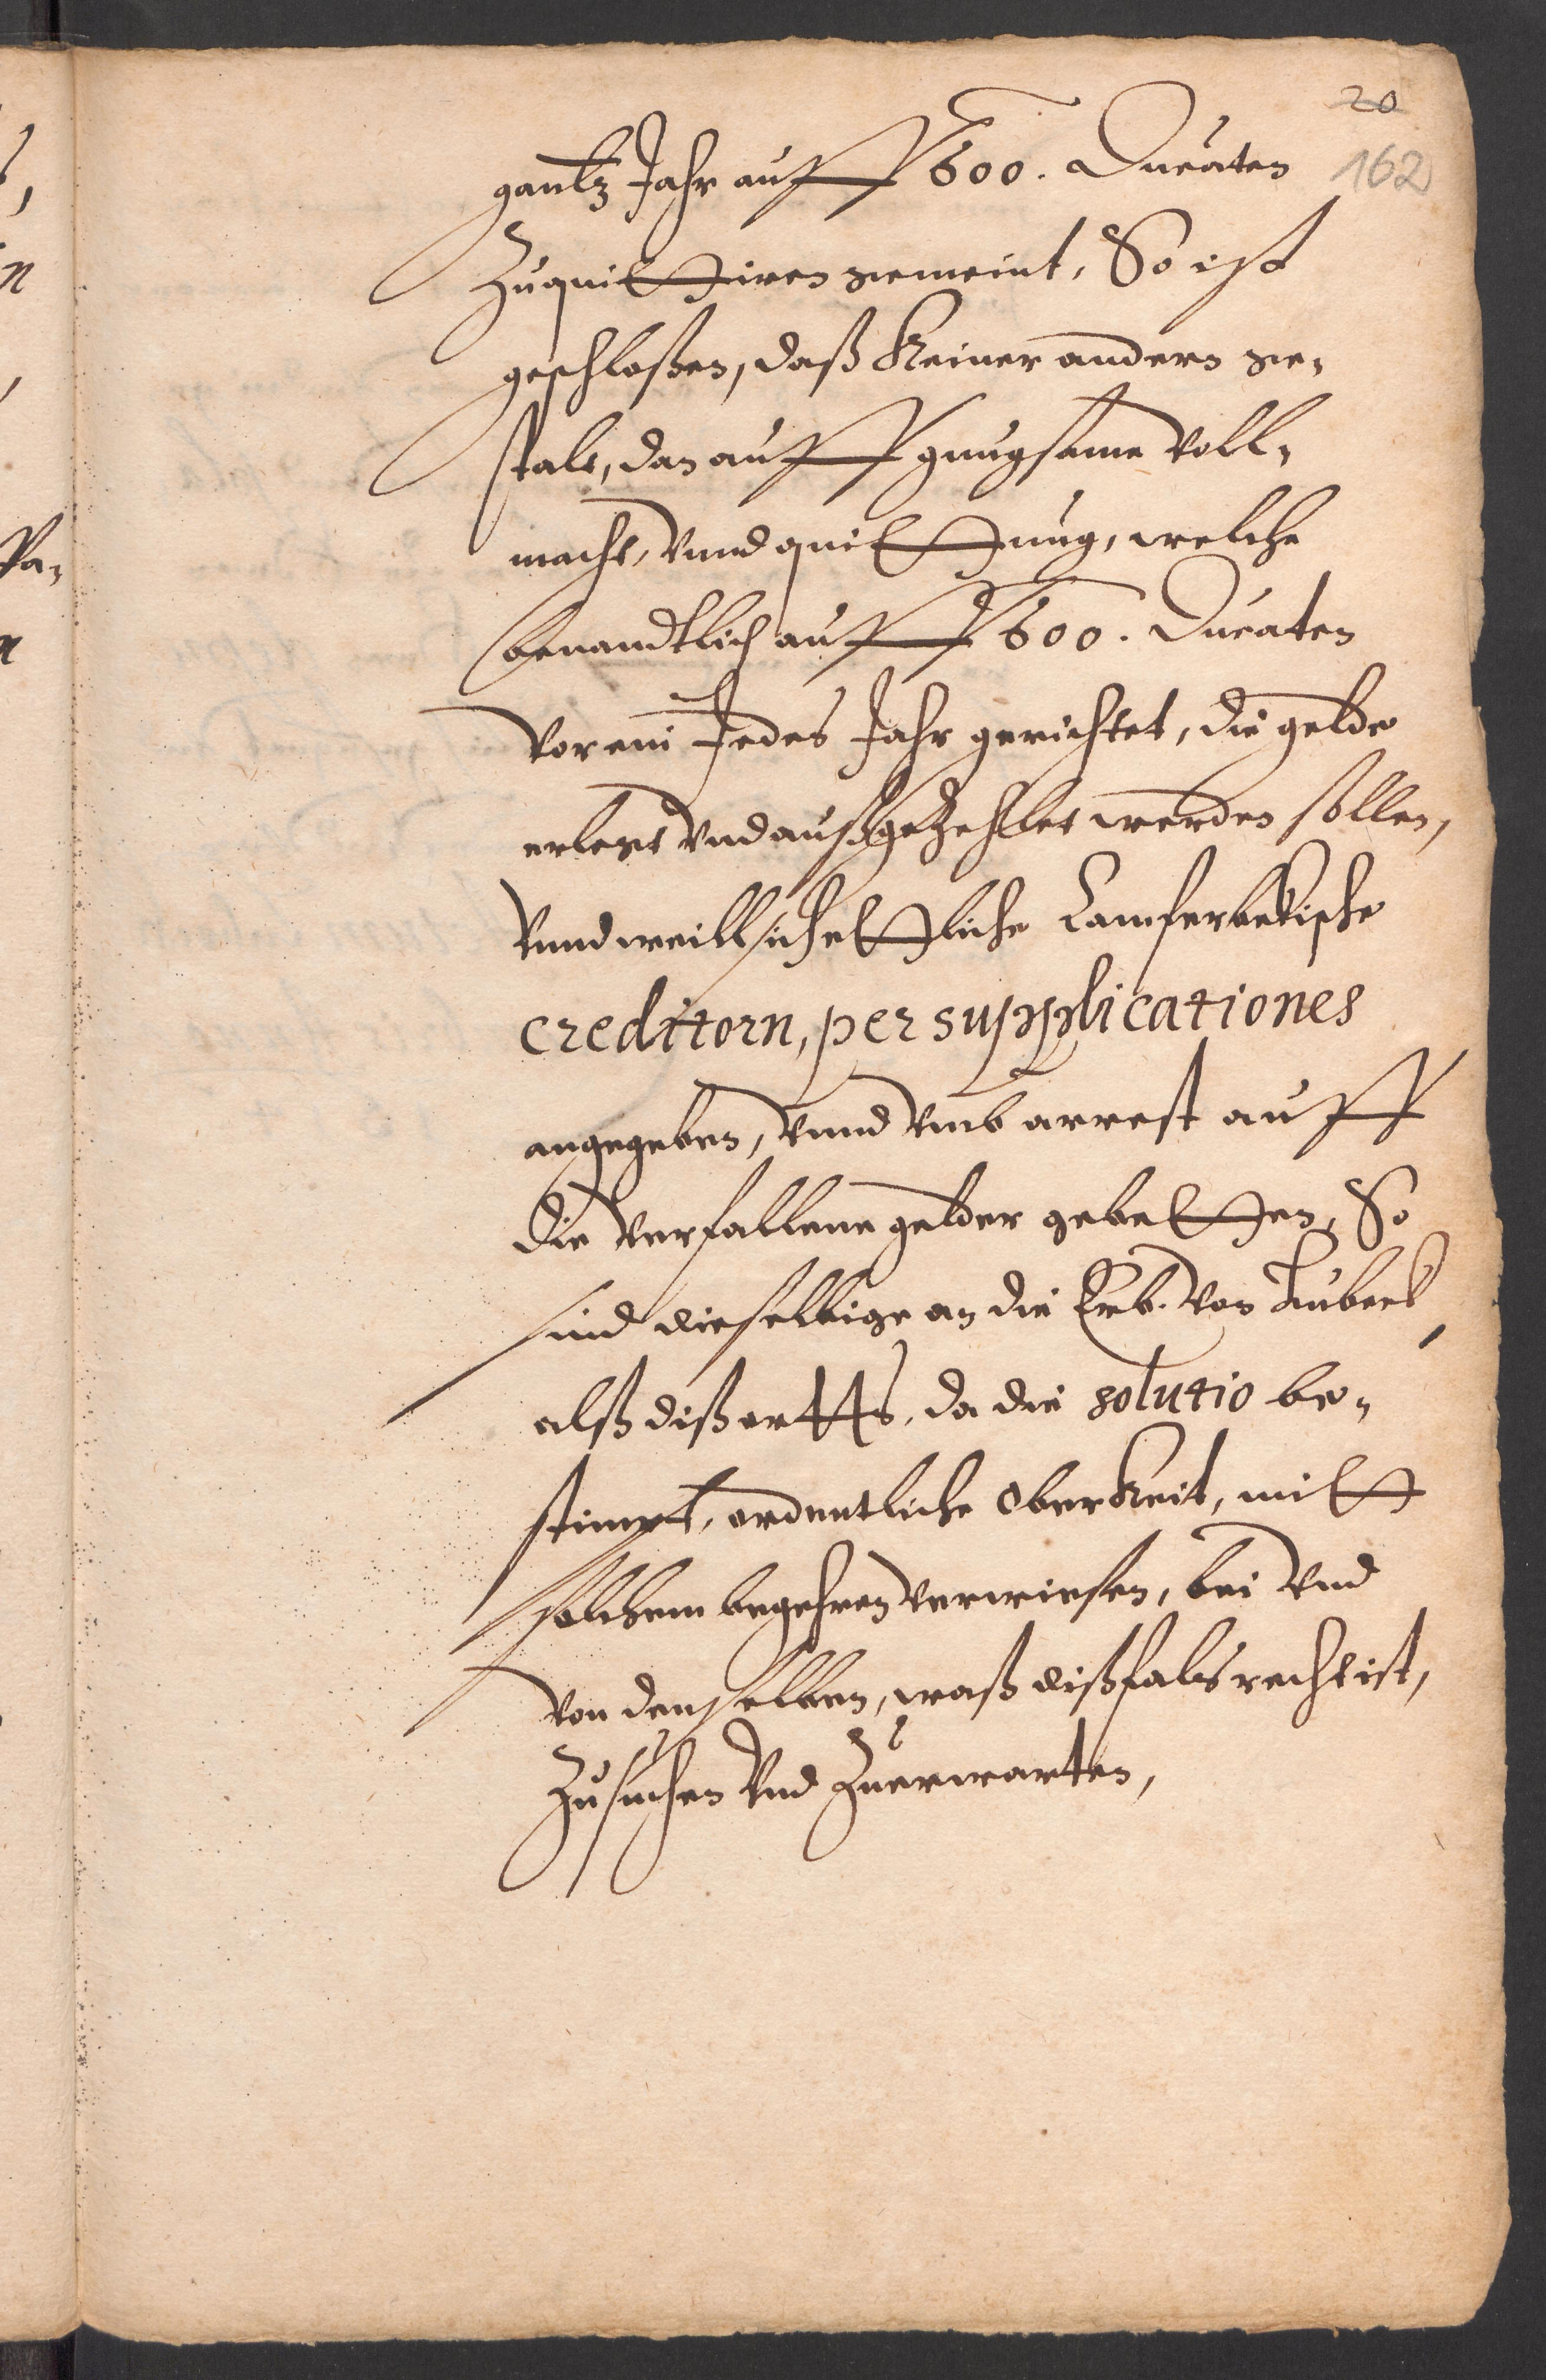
20
gantz jahr auff 600. Ducaten
zuquittiren gemeint, So ist
geschloßen, daß keiner andern ge¬
stalt, dan auff gnugsame voll¬
macht, vnd quittung, welche
benandtlich auff 600. Ducaten
vor ein jedes jahr gerichtet, die gelde
erlegt vnd außgezehlet werden sollen,
vnd weill sich ettliche Camferbekische
creditorn, per supplicationes
angegeben, vnnd vmb arrest auff
die verfallene gelder gebetten, So
sind dieselbige an die Erb. von Lubeck
alß diß ortts, da die solutio be¬
stimpt, ordentliche oberkeit, mitt
solchen begehren verwiesen, bei vnd
von denselben, waß dißfals recht ist,
zu suchen vnd zuerwarten,
